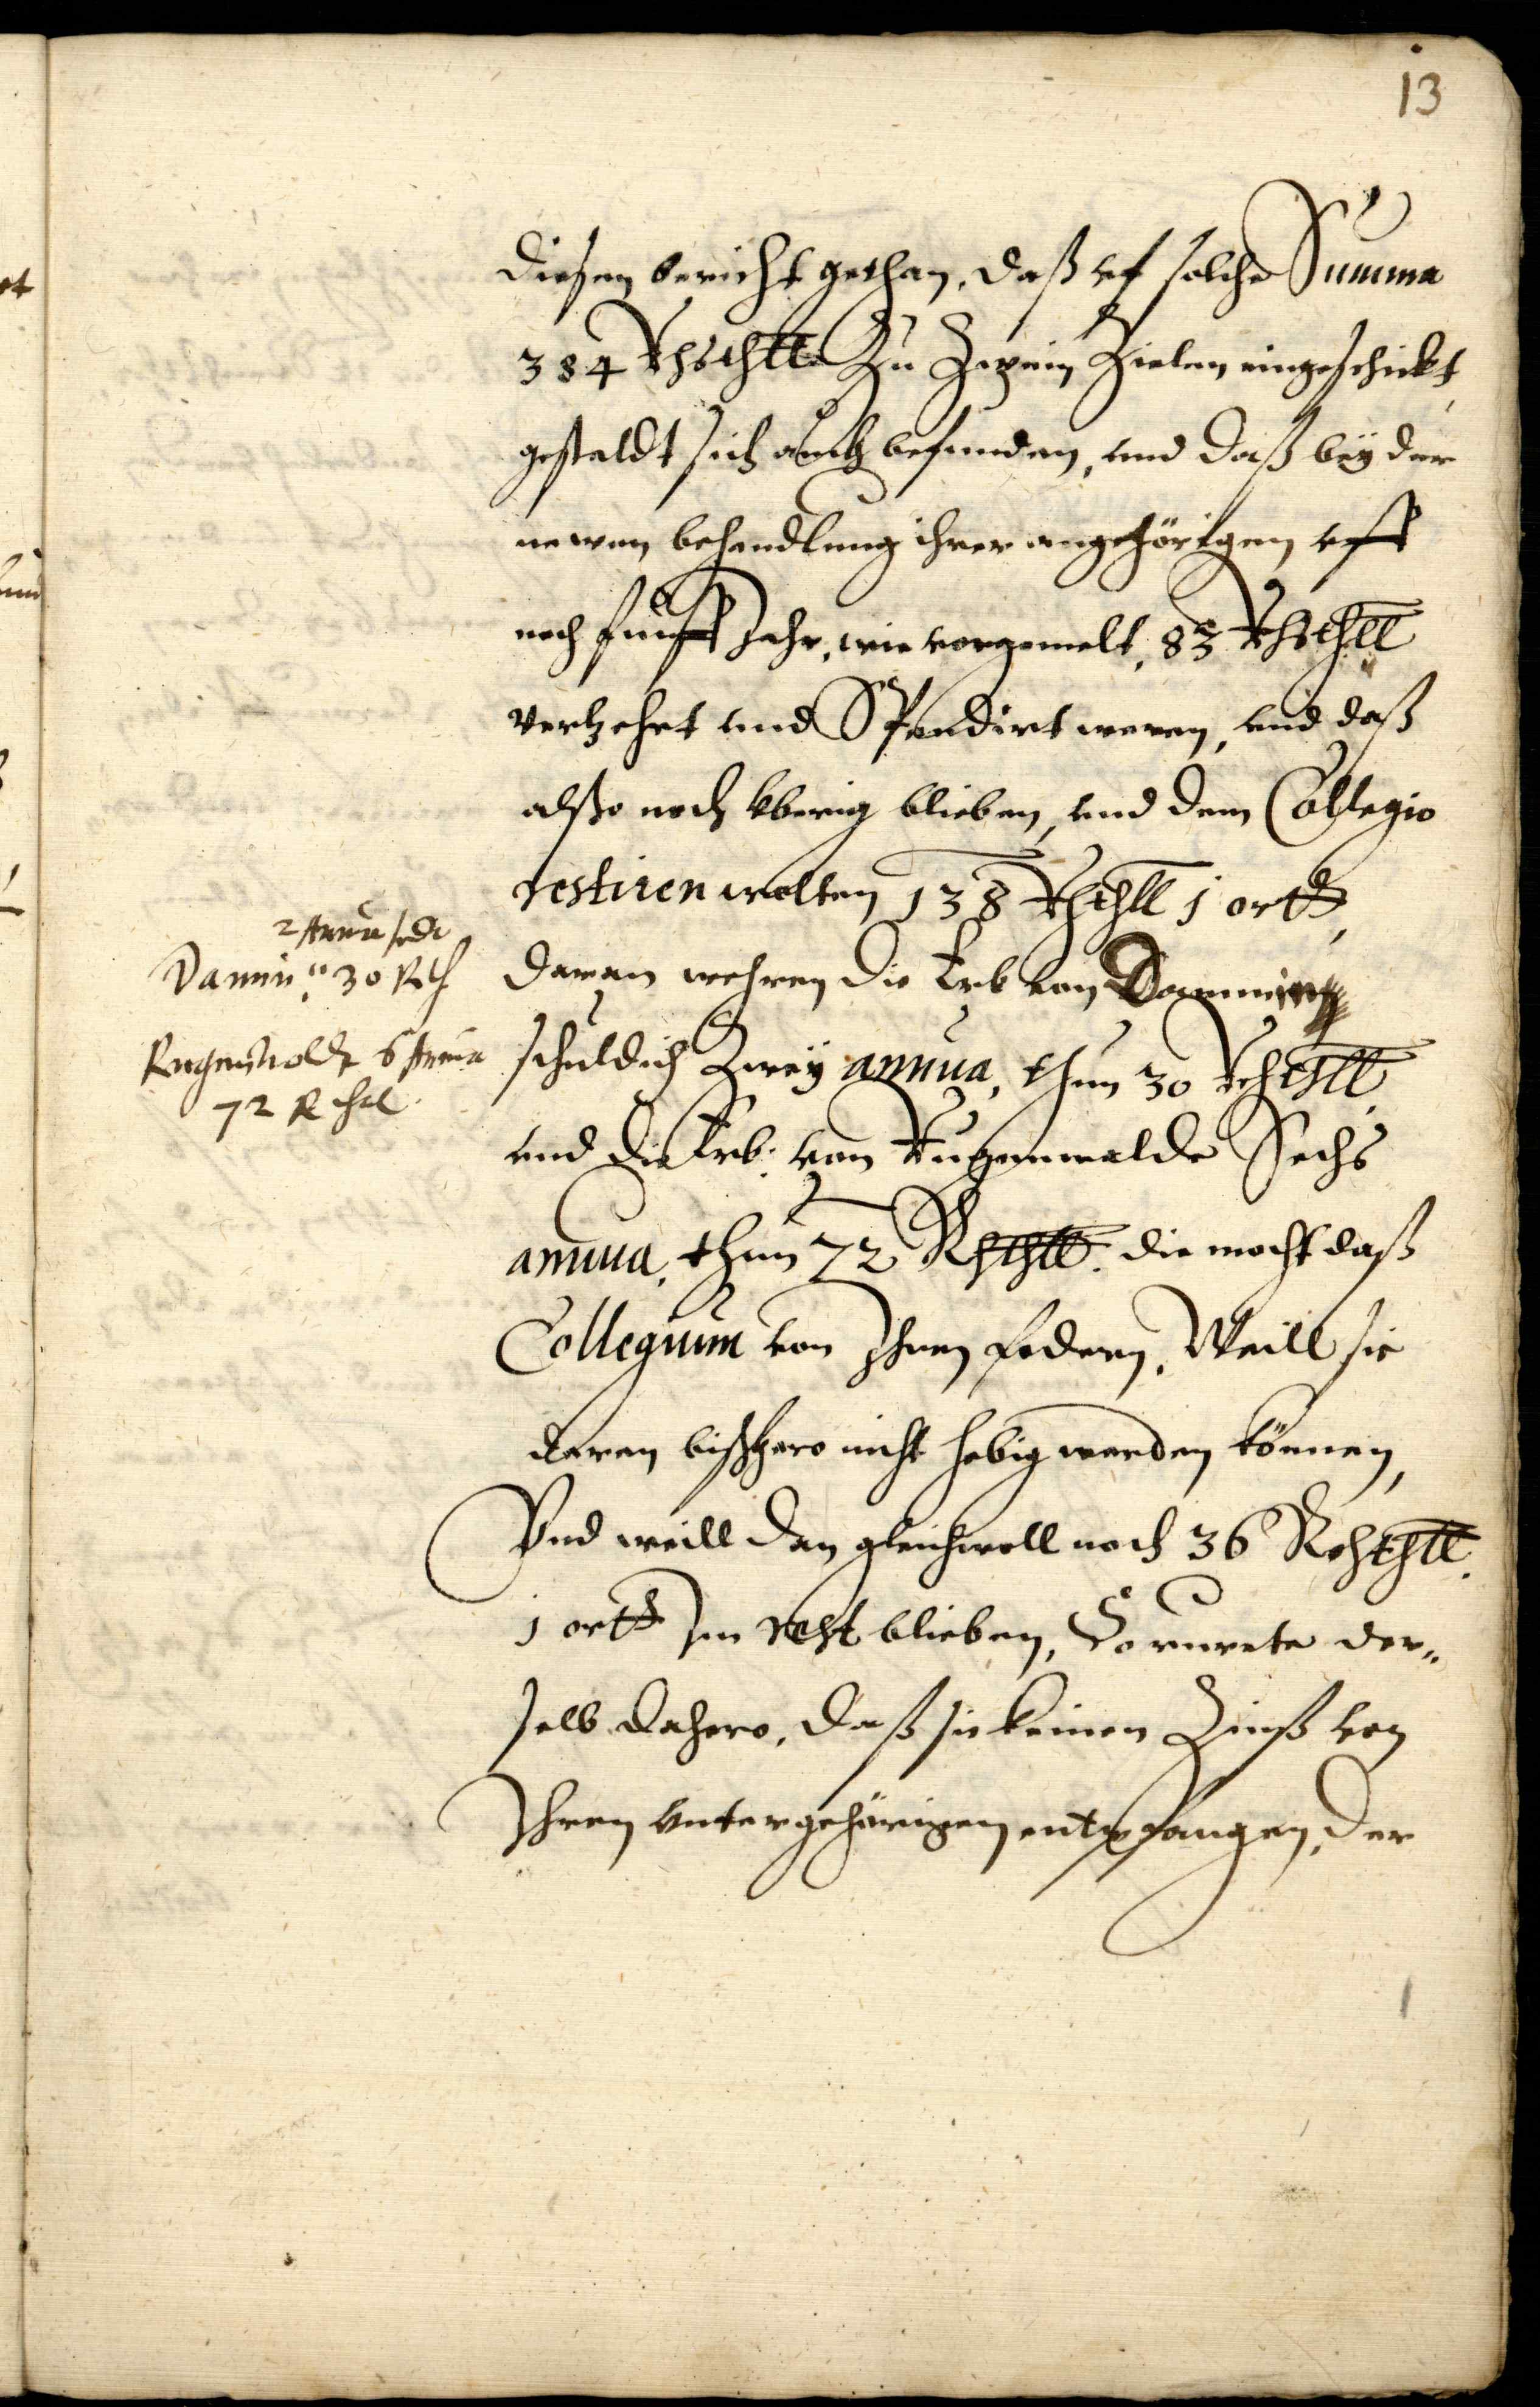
13
2 Annu sedt
Damin, " 30 Rth
Rugenwoldt 6 Annua
72 Rhtl.
diesen bericht gethan, daß vf solche Summa
384 Rhsthll zu Zwein Zielen eingeschickt
gestaldt sich auch befunden, vnd daß beij der
newen behandlung ihrer angehörigen vff
nach funff Jahr, wie vorgemelt, 83 Rhsthll
vertzehrt vnd Spendirt weren, vnd daß
alßo noch vberig blieben, vnd dem Collegio
restiren wolten 138 Rhthll 1 ortt,
daran wehren die Erb von Damminn
schuldich Zweij annua, thun 30 Rchthll
vnd die Erb. von Rugemwalde Sechs
annua, thun 72 Rhthll. die mocht daß
Collegium von Ihnen fodern. Weill sie
deren bishero nicht hebig werden können,
Vnd weill dan gleichwoll noch 36 Rchthll.
1 ortt Im rest blieben, So rurete der¬
selb dahro, daß sie keinen Zinß von
Ihren vntergehörigen entpfangen, der
